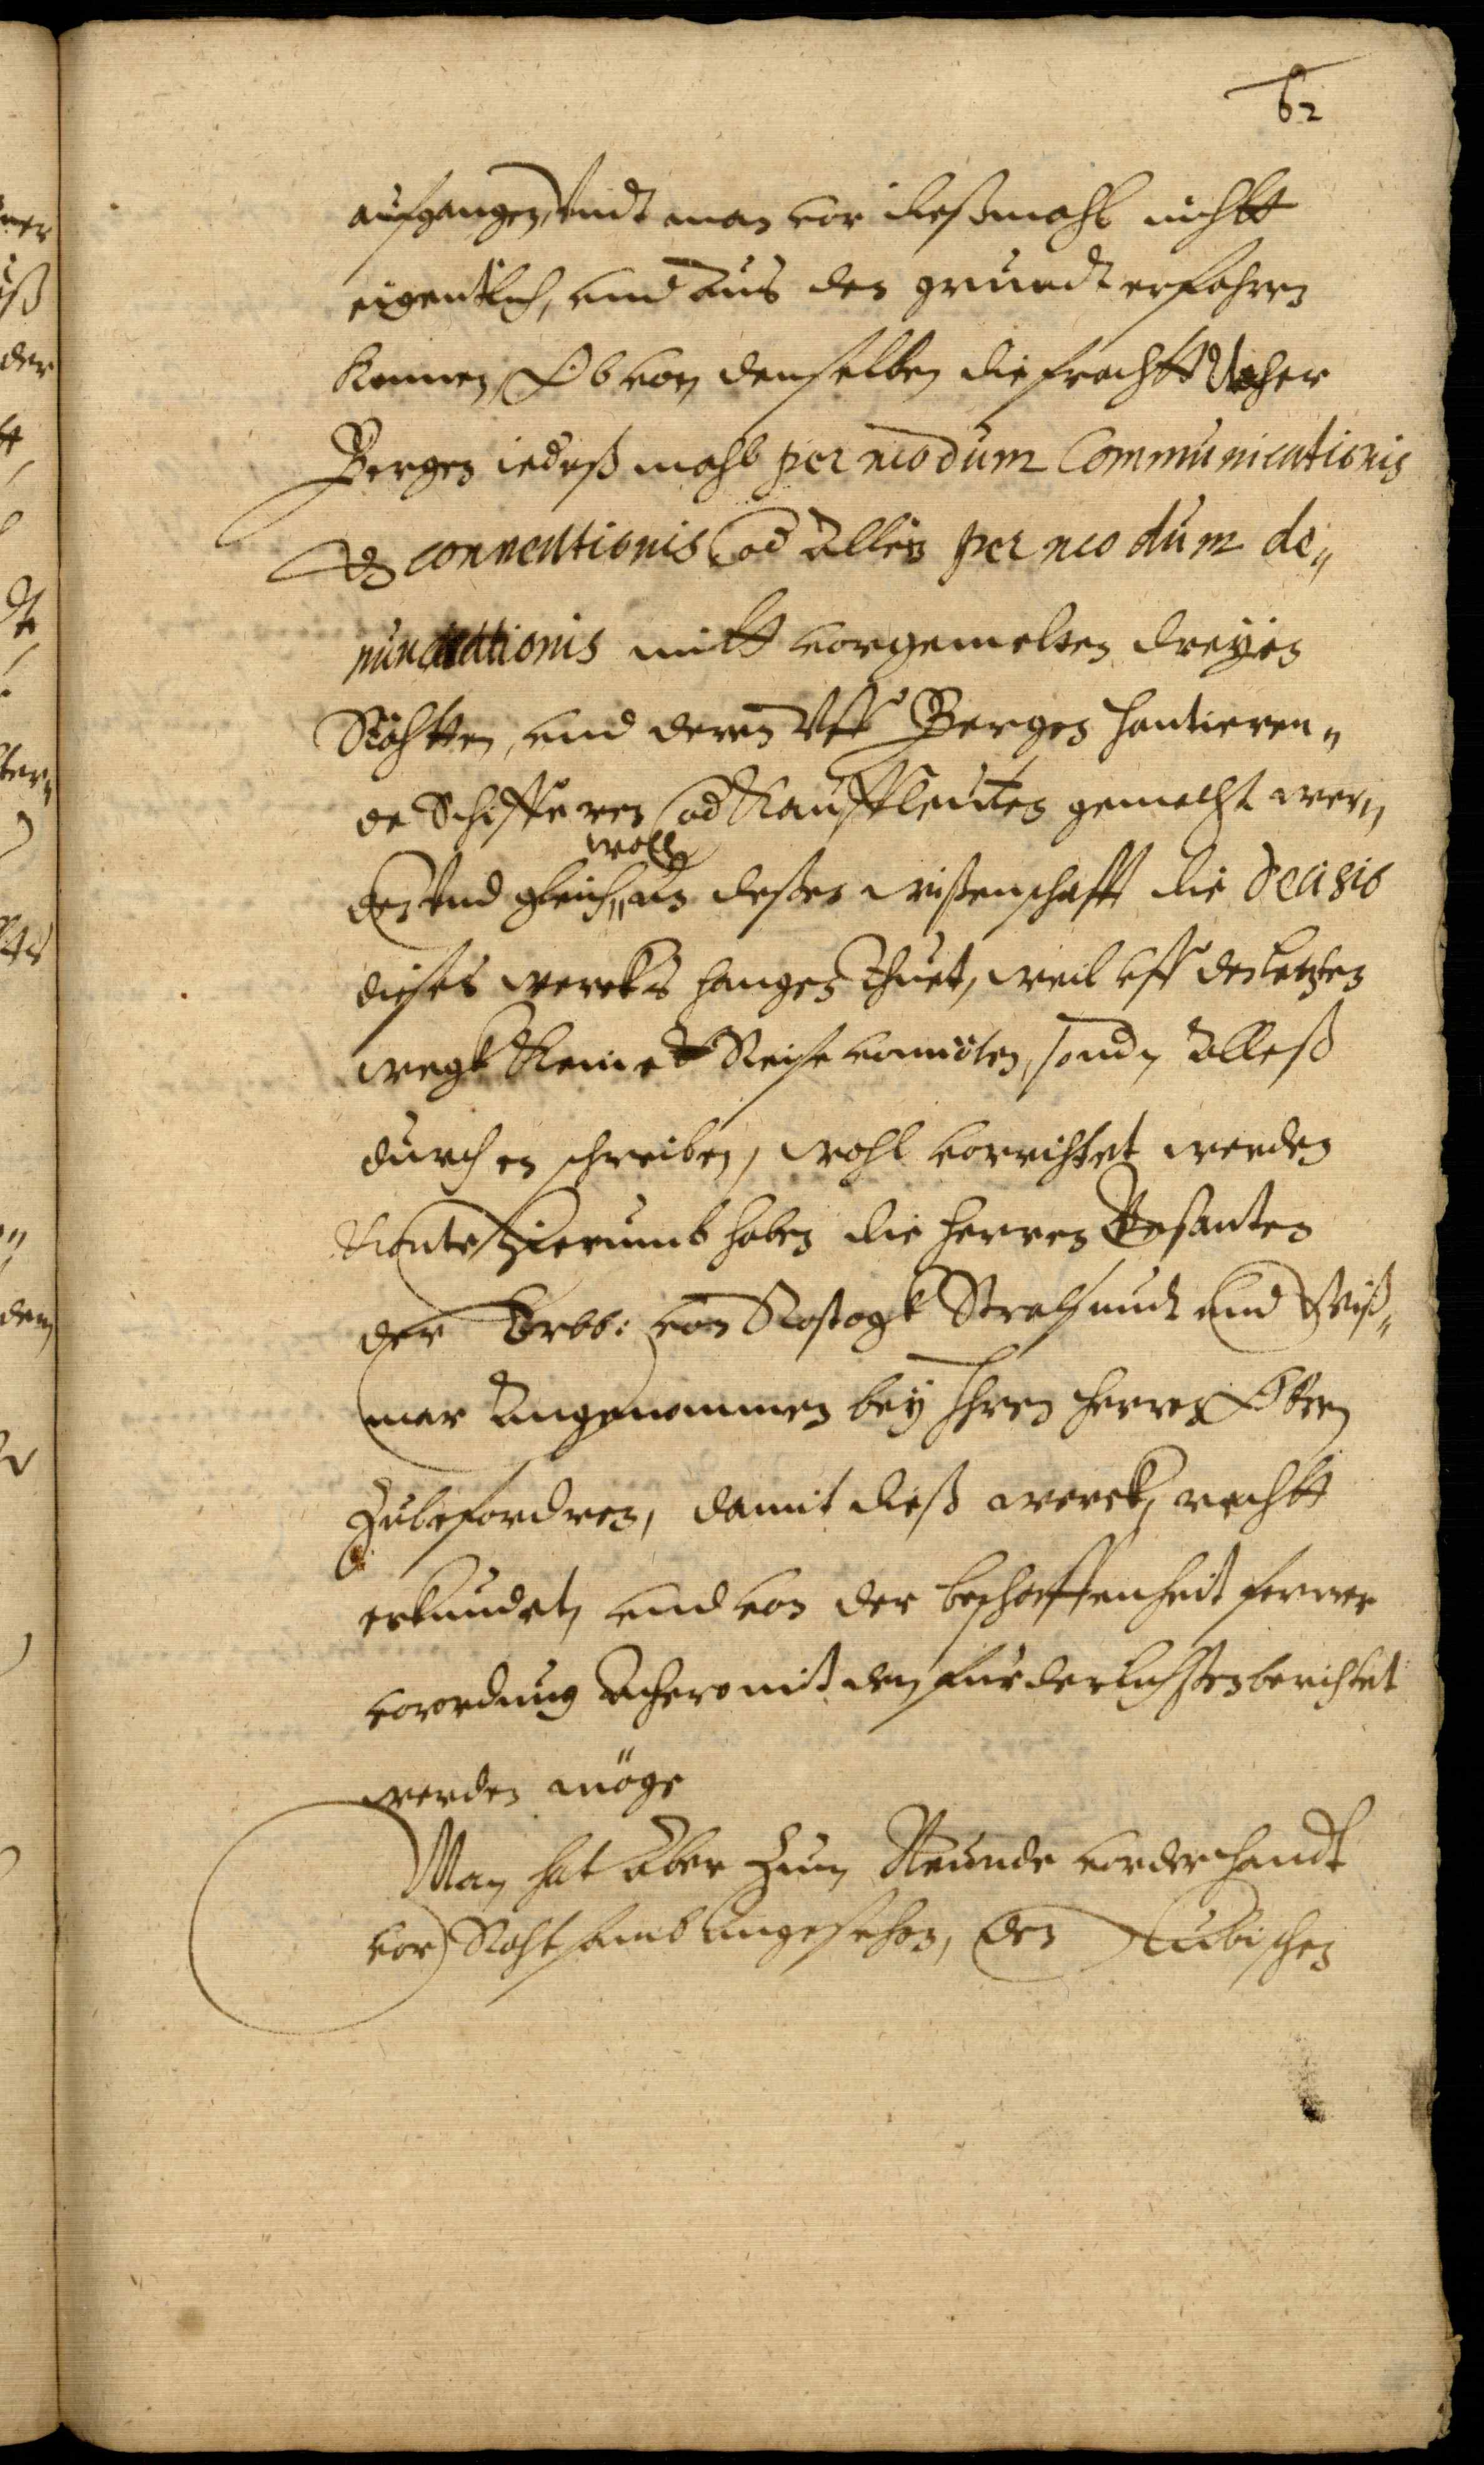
62
aufgangen, Vndt man vor dießmahl nichtt
eigentlich, vnd Aus den grundt erfahren
konnen, Ob von denselben die frachtt Naher
Bergen iedeßmahl per modum Communicationis
& conuentionis oder Allein per modum de¬
nunciationis mitt vorgemelten dreijen
Stähtten, vnd deren Vff Bergen hantieren¬
de Schifferen oder Kauffleuten gemacht wer¬
den vnd gleichwoll An deßen wißenschafft die decisio
dieses werckes hangen Thuet, weil vff den letzten
wegk Keine V Reise vonnöten, sondern Alleß
durch en schreiben, wohl vorrichtet werden
Konte Hierumb haben die herren Gesanten
der Erbb: von Rostogk Stralsundt vnd Wiß¬
mar Angenommen beij Ihren herrn Obern
zubefordren, damit dieß werck, rechtt
erkundet, vnd von der beschaffenheit ferner
vorordung Anhero mit dem furderlichsten berichtet
werden möge
Man hat Aber zum Neunde vorderhandt
vor Rahtsamb Angesehen, den Lubischen
